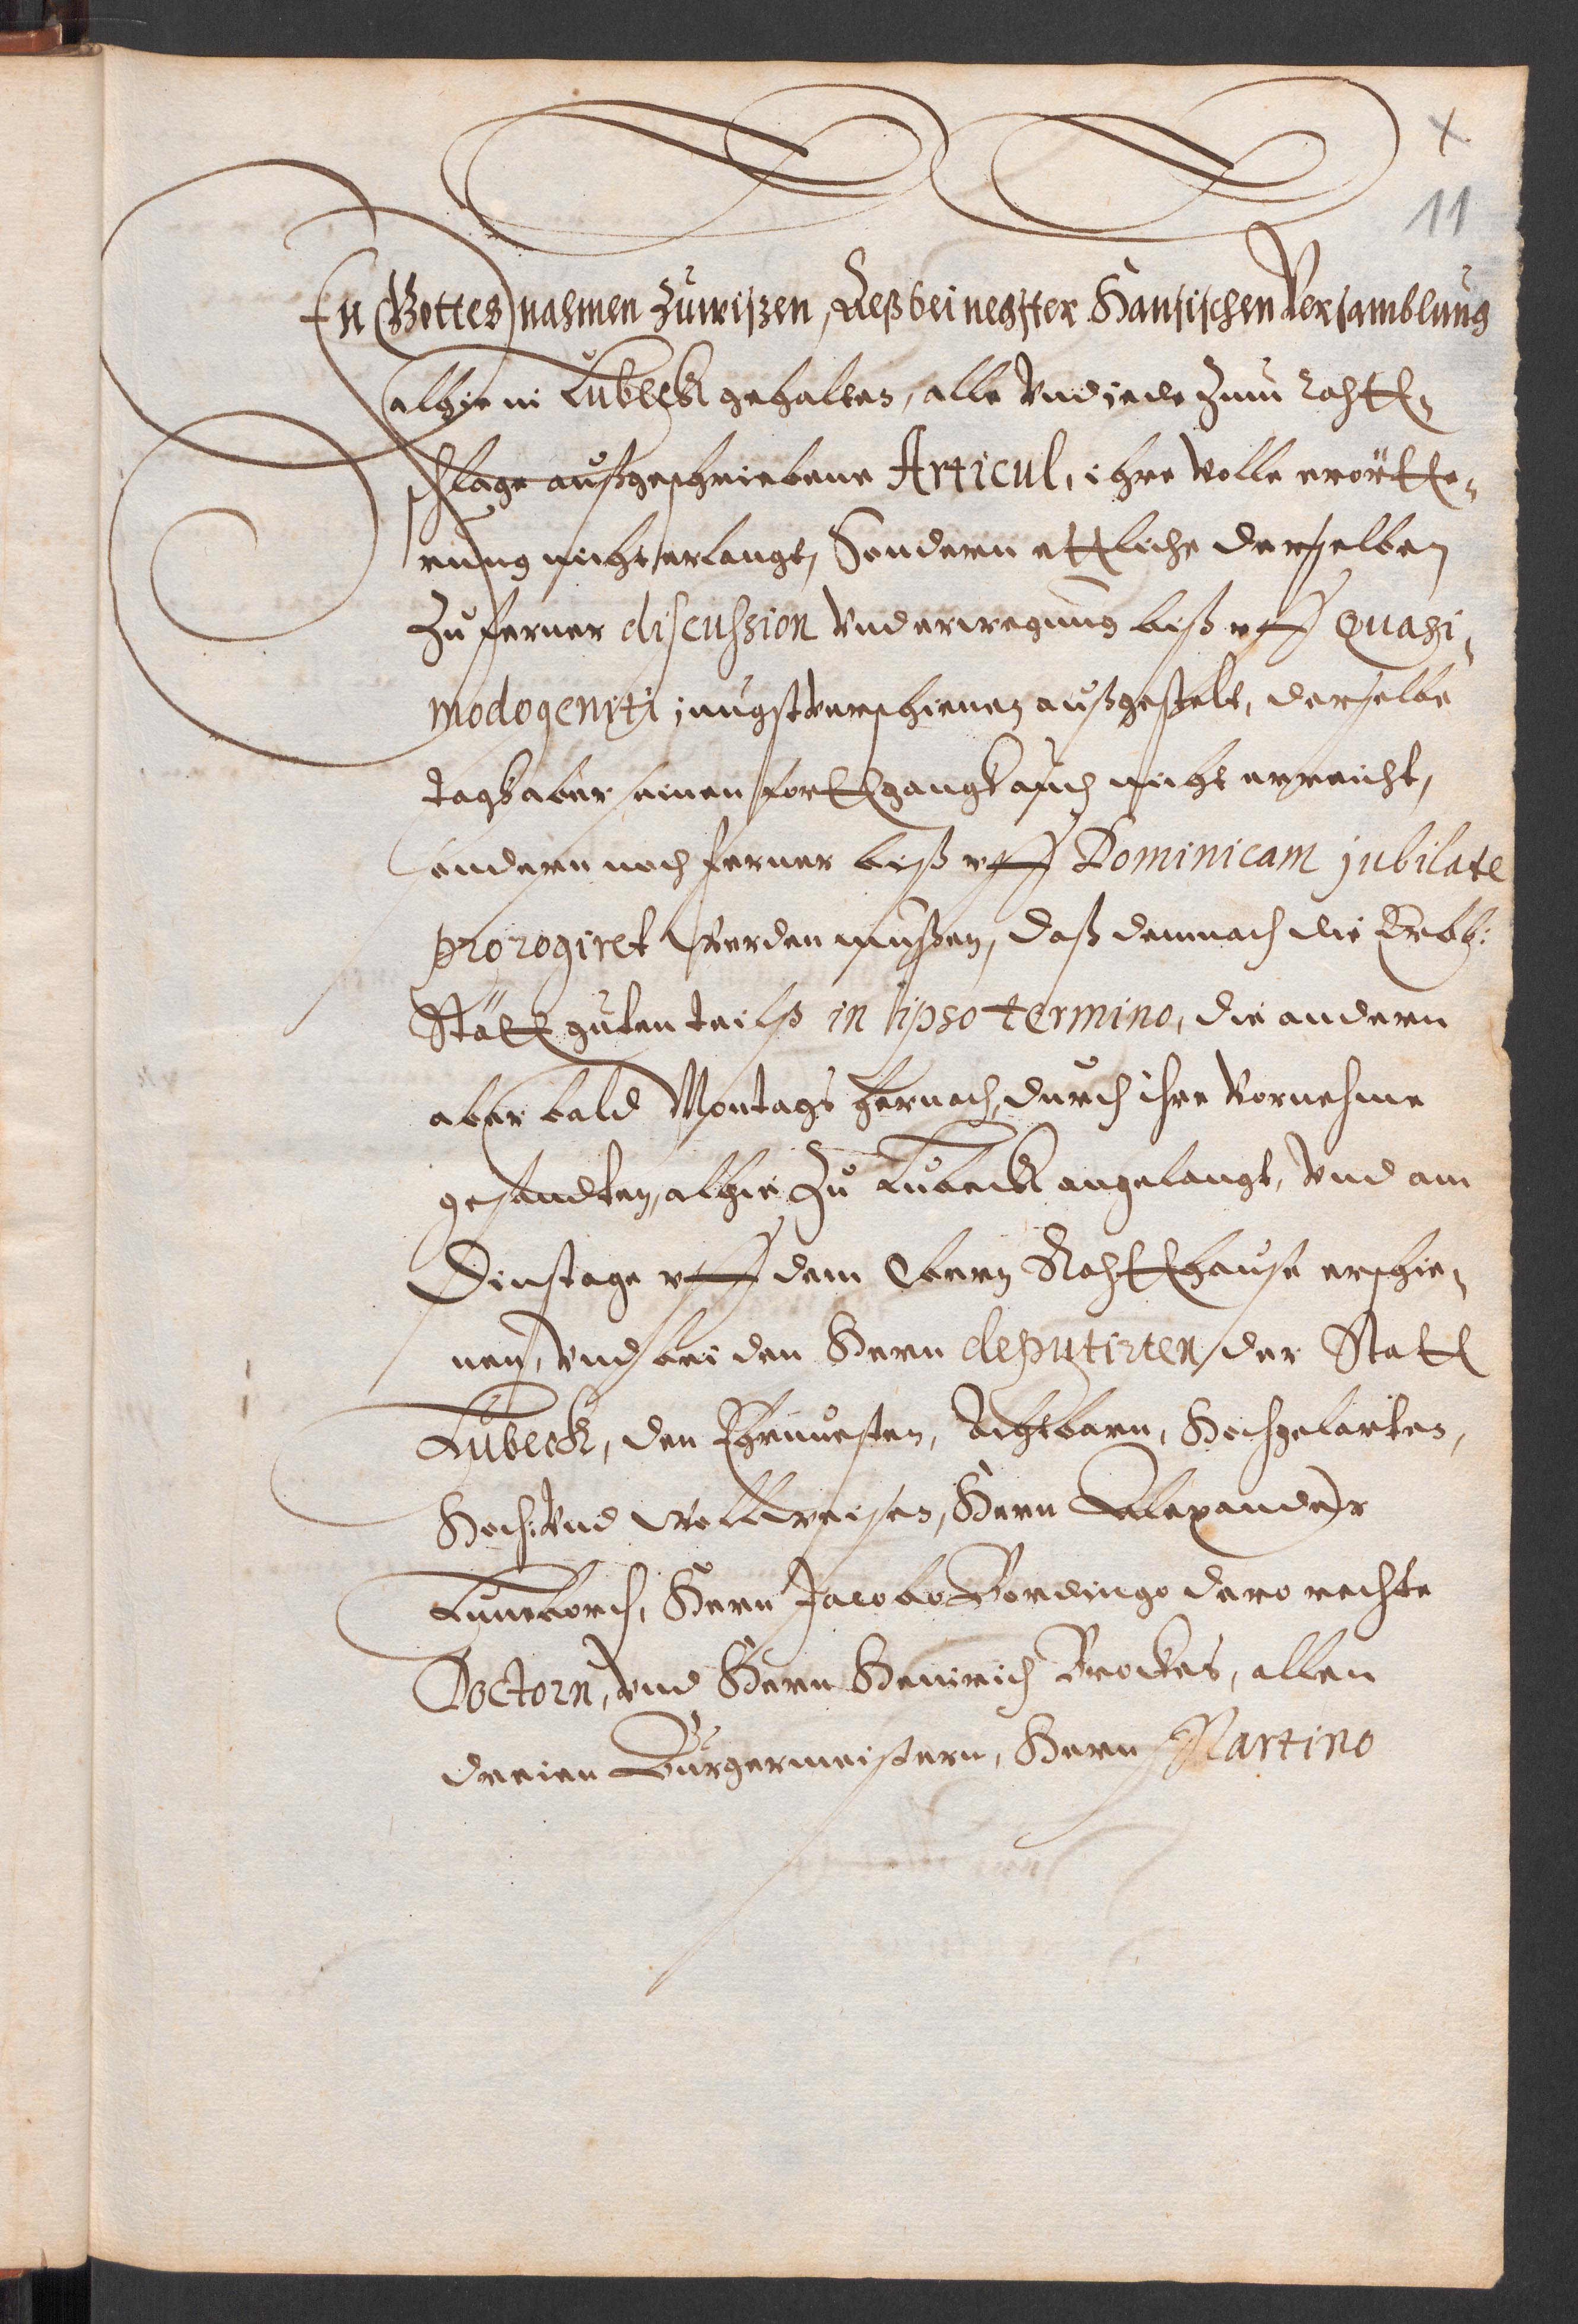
In Gottes nahmen zuwißen, Alß bei negster Hansischen Versamblung
alhie in Lubeck gehalten, alle vnd iede zum rahtt¬
schlage außgeschriebene Articul, ihre volle erörtt¬
rung nicht erlangt, Sondern ettliche derselben
zu ferner dicsussion vnd erwegung bis vff quasi¬
modogeniti iungstverschienen außgestelt, derselbe
tagk aber seinen forttgangk auch nicht erreicht,
sondern noch ferner biß vff Dominicam jubilate
prorogiret werden mußen, daß demnach die Erbb:
Stätt guten tailß in ipso termino, die andern
aber bald Montags hernach, durch ihre vornehme
gesandten, alhie zu Lubeck angelangt, vnd am
Dinstage vff dem wern Rahtthause erschie¬
nen, vnd bei den Hern deputirten der Statt
Lubeck, den Ehrnuesten, Achtbarn, Hochgelarten,
Hoch: vnd wollweisen, Hern Alexander
Luneborch, Hern Jacobo Bordingo dero rechte
Doctorn, vnd Hern Henirich Brockes, allen
dreien Burgermeistern, Hern Martino
